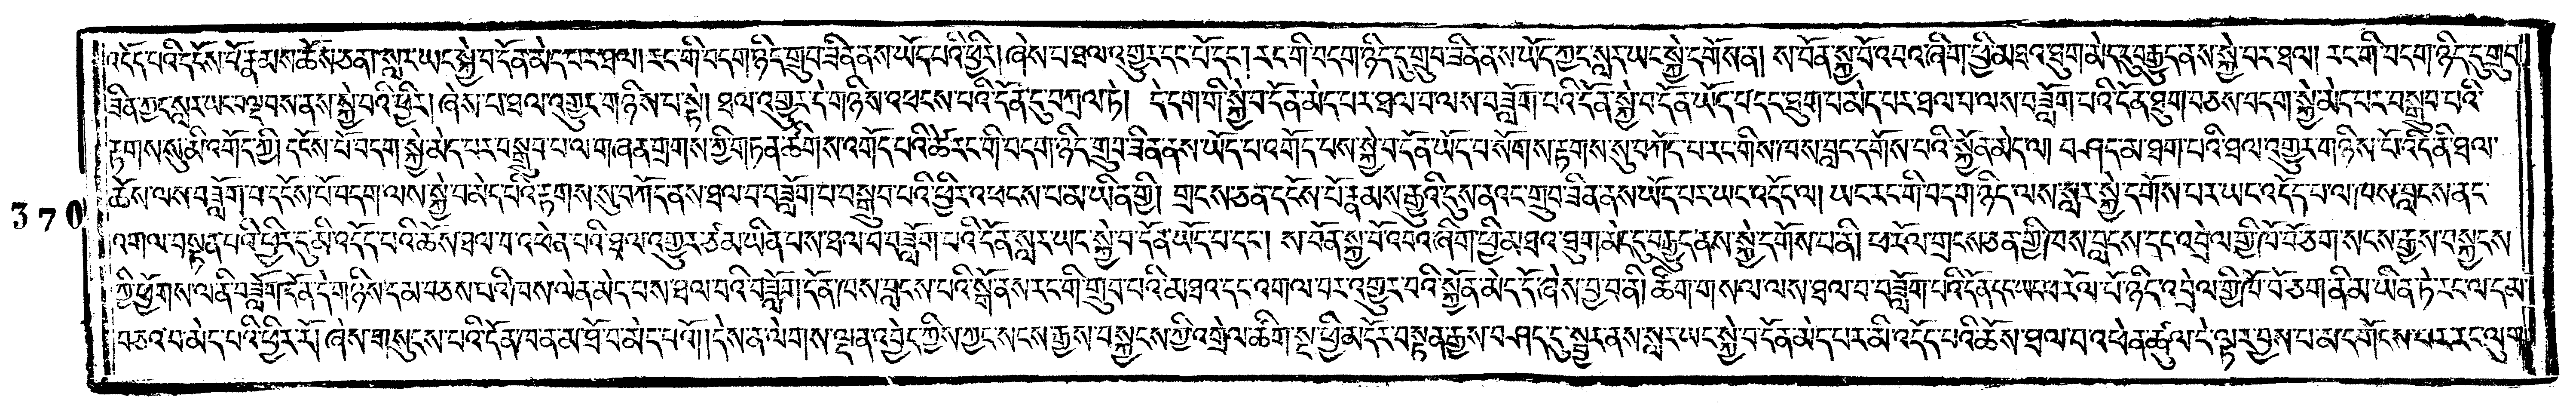འདོད་པའི་དངོས་པོ་རྣམས་ཆོས་ཅན། སླར་ཡང་སྐྱེ་བ་དོན་མེད་པར་ཐལ། རང་གི་བདག་ཉིད་གྲུབ་ཟིན་ནས་ཡོད་པའི་ཕྱིར། ཞེས་པ་ཐལ་འགྱུར་དང་པོ་དང་། རང་གི་བདག་ཉིད་དུ་གྲུབ་ཟིན་ནས་ཡོད་ཀྱང་སླར་ཡང་སྐྱེ་དགོས་ན། ས་བོན་སྐྱ་བོ་འབའ་ཞིག་ཕྱི་མཐའ་ཐུག་མེད་དུ་བརྒྱུད་ནས་སྐྱེ་བར་ཐལ། རང་གི་བདག་ཉིད་དུ་གྲུབ་
ཟིན་ཀྱང་སླར་ཡང་བལྡབས་ནས་སྐྱེ་བའི་ཕྱིར། ཞེས་པ་ཐལ་འགྱུར་གཉིས་པ་སྟེ། ཐལ་འགྱུར་དེ་གཉིས་འཕངས་པའི་དོན་དུ་བཀྲལ་ཏེ། དེ་དག་གི་སྐྱེ་བ་དོན་མེད་པར་ཐལ་བ་ལས་བཟློག་པའི་དོན་སྐྱེ་བ་དོན་ཡོད་པ་དང་ཐུག་པ་མེད་པར་ཐལ་བ་ལས་བཟློག་པའི་དོན་ཐུག་བཅས་བདག་སྐྱེ་མེད་པར་བསྒྲུབ་པའི་
རྟགས་སུ་མི་འགོད་ཀྱི། དངོས་པོ་བདག་སྐྱེ་མེད་པར་བསྒྲུབ་པ་ལ་གཞན་གྲགས་ཀྱི་གཏན་ཚིགས་འགོད་པའི་ཚེ་རང་གི་བདག་ཉིད་གྲུབ་ཟིན་ནས་ཡོད་པ་འགོད་པས་སྐྱེ་བ་དོན་ཡོད་པ་སོགས་རྟགས་སུ་བཀོད་པ་རང་གིས་ཁས་བླང་དགོས་པའི་སྐྱོན་མེད་ལ། བཤད་མ་ཐག་པའི་ཐལ་འགྱུར་གཉིས་པོ་འདི་ནི་ཐལ་
ཆོས་ལས་བཟློག་པ་དངོས་པོ་བདག་ལས་སྐྱེ་བ་མེད་པའི་རྟགས་སུ་བཀོད་ནས་ཐལ་བ་བཟློག་པ་བསྒྲུབ་པའི་ཕྱིར་འཕངས་པ་མ་ཡིན་གྱི། གྲངས་ཅན་དངོས་པོ་རྣམས་རྒྱུའི་དུས་ནའང་གྲུབ་ཟིན་ནས་ཡོད་པར་ཡང་འདོད་ལ། ཡང་རང་གི་བདག་ཉིད་ལས་སླར་སྐྱེ་དགོས་པར་ཡང་འདོད་པ་ལ་ཁས་བླངས་ནང་
འགལ་བསྟན་པའི་ཕྱིར་དུ་མི་འདོད་པའི་ཆོས་ཐལ་བ་འཕེན་པའི་ཐལ་འགྱུར་ཙམ་ཡིན་པས་ཐལ་བ་བཟློག་པའི་དོན་སླར་ཡང་སྐྱེ་བ་དོན་ཡོད་པ་དང་། ས་བོན་སྐྱ་བོ་འབའ་ཞིག་ཕྱི་མཐའ་ཐུག་མེད་དུ་བརྒྱུད་ནས་སྐྱེ་དགོས་པ་ནི། ཕ་རོལ་གྲངས་ཅན་གྱི་ཁས་བླངས་དང་འབྲེལ་གྱི་ཁོ་བོ་ཅག་སངས་རྒྱས་བསྐྱངས་
ཀྱི་ཕྱོགས་ལ་ནི་བཟློག་དོན་དེ་གཉིས་དམ་བཅས་པའི་ཁས་ལེན་མེད་པས་ཐལ་བའི་བཟློག་དོན་ཁས་བླངས་པའི་སྒོ་ནས་རང་གི་གྲུབ་པའི་མཐའ་དང་འགལ་བར་འགྱུར་བའི་སྐྱོན་མེད་དོ་ཞེས་བྱ་བ་ནི། ཚིག་གསལ་ལས་ཐལ་བ་བཟློག་པའི་དོན་དང་ཡང་ཕ་རོལ་པོ་ཉིད་འབྲེལ་གྱི་ཁོ་བོ་ཅག་ནི་མ་ཡིན་ཏེ་རང་ལ་དམ་
བཅའ་བ་མེད་པའི་ཕྱིར་རོ། ཞེས་གསུངས་པའི་དོན་ཁ་ན་མཐོ་བ་མེད་པའོ། །དེས་ན་ལེགས་ལྡན་འབྱེད་ཀྱིས་ཀྱང་སངས་རྒྱས་བསྐྱངས་ཀྱི་འགྲེལ་ཚིག་སྔ་ཕྱི་མདོར་བསྟན་རྒྱས་བཤད་དུ་སྦྱར་ནས་སླར་ཡང་སྐྱེ་བ་དོན་མེད་པར་མི་འདོད་པའི་ཆོས་ཐལ་བ་འཕེན་ཚུལ་དེ་ལྟར་བྱས་པ་མ་དགོངས་པར་རང་ལུག་